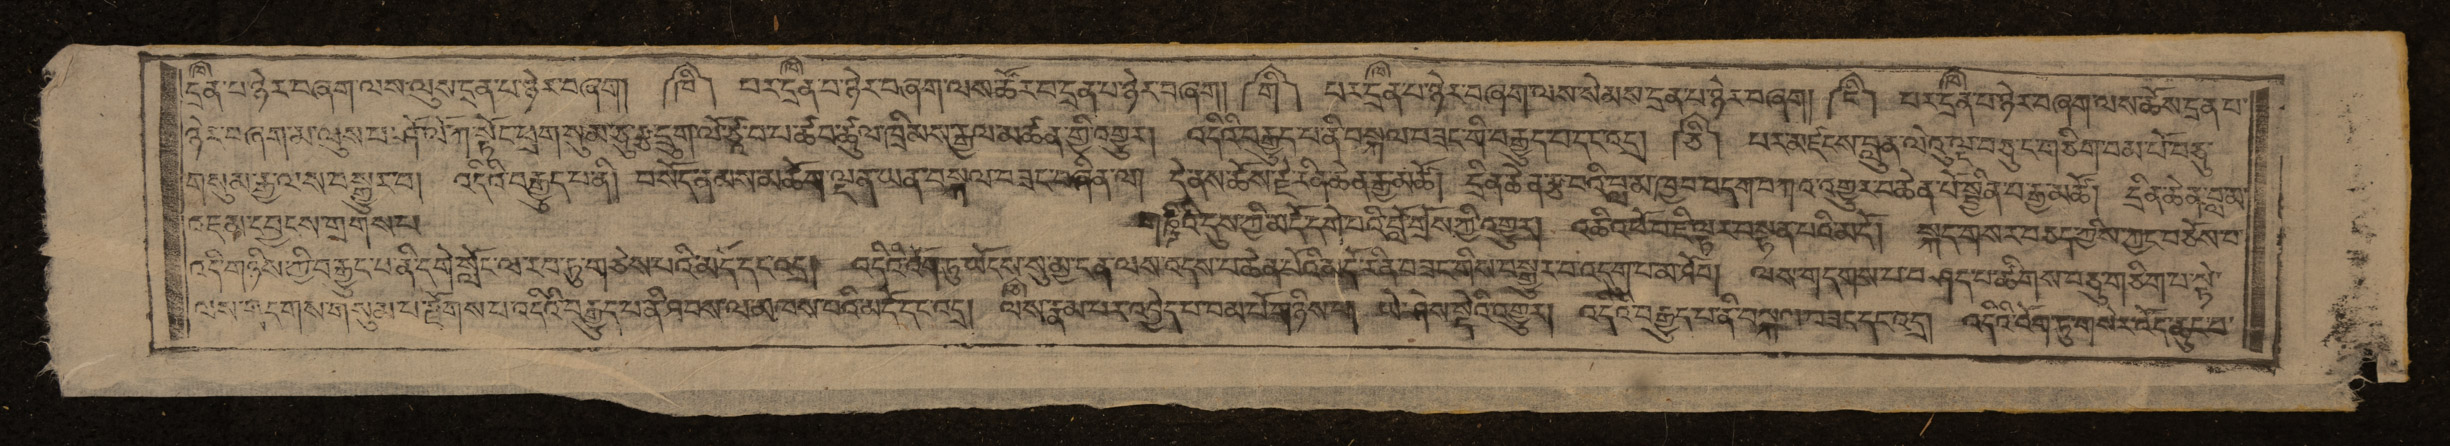དྲན་པ་ཉེར་བཞག་ལས་ལུས་དྲན་པ་ཉེར་བཞག། {ཁ}་པར་དྲན་པ་ཉེར་བཞག་ལས་ཚོར་བ་དྲན་པ་ཉེར་བཞག། {གི}་པར་དྲིན་པ་ཉེར་བཞག་ལས་སེམས་དྲན་པ་ཉེར་བཞག། {ང}་པར་དྲ་བ་ཉེར་བཞག་ལས་ཆོས་དྲན་པ་
ཉེར་བཞག་མ་ལུས་པ་ཤོ་ལོ་ཀ་སྟོང་ཕྲག་སུམ་ཅུ་རྩ་དྲུག་ལོ་ཙའ་བ་པ་ཚབ་ཚུལ་ཁྲིམས་རྒྱལ་མཚན་གྱི་འགྱུར། འདིའི་བརྒྱུད་པ་ནི་བསྐལ་བཟང་གི་བརྒྱུད་པ་དང་འདྲ། {ཅི}་པར་མཛངས་བླུན་ལེའུ་ལྔ་བཅུ་ང་གཅིག་བམ་པོ་བཅུ་
གསུམ་རྒྱ་ལས་བསྒྱུར་བ། འདིའི་བརྒྱུད་པ་ནི། བསོད་ནམས་མཆོག་ལྡན་ཡན་བསྐལ་བཟང་བཞིན་ལ། དེ་ནས་ཆོས་རྗེ་རིན་ཆེན་རྒྱ་མཚོ། དྲིན་ཆེན་རྩ་བའི་བླ་མ་ཁྱབ་བདག་བཀའ་འགྱུར་བ་ཆེན་པོ་སྦྱིན་པ་རྒྱ་མཚོ། དྲིན་ཆེན་བླ་མ་
འཇམ་དབྱངས་གྲགས་པ། གཎྜིཨཱི་དུས་ཀྱི་མདོ་དགེ་བའི་བློ་གྲོགས་ཀྱི་འགྱུར། འཆི་འཕོ་བ་ཇི་ལྟར་བསྟན་པའི་མདོ། སྐད་གསར་བཅད་ཀྱིས་ཀྱང་བཅོས་བ་
འདི་གཉིས་ཀྱི་བརྒྱུད་པ་ནི་དགེ་སློང་ལ་རབ་ཏུ་གཅེས་པའི་མེད་དང་འདྲ། འདིའི་འོག་ཏུ་ཡོངས་སུ་མྱ་ངན་ལས་འདས་པ་ཆེན་པོའི་མདོ་རིན་བཟང་གིས་བསྒྱུར་བ་འདུག་པ་མ་ཐོབ། ལས་གདགས་པ་བཤད་པ་ཚིགས་བཅུ་གཅིག་པ་སྟེ་
ལས་འདགས་གསུམ་པ་རྫོགས་པ་འདིའི་བརྒྱུད་པ་ནི་ཐབས་ལ་མཁས་པའི་མདོ་དང་འདྲ། ལས་རྣམ་པར་འབྱེད་པ་བམ་པོ་གཉིས་པ། ཡེ་ཤེས་སྡེའི་འགྱུར། འདིའི་བརྒྱུད་པ་ནི་བསྐལ་བཟང་དང་འདྲ། འདིའི་འོག་ཏུ་གསེར་འོད་ཆུང་བ་